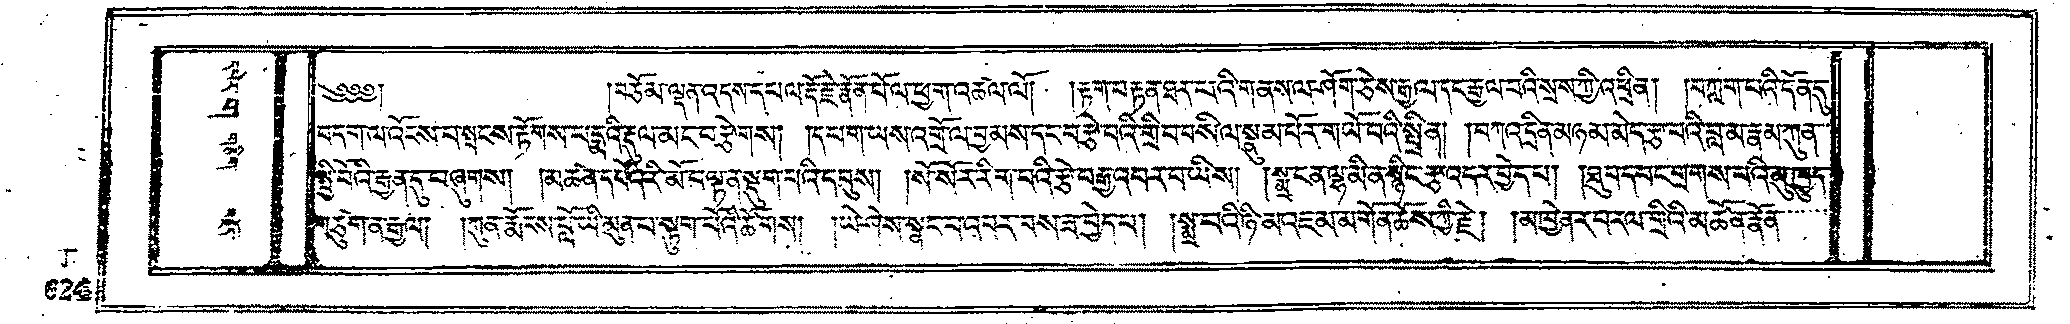༄༅༅། །བཅོམ་ལྡན་འདས་དཔལ་རྡོ་རྗེ་རྣོན་པོ་ལ་ཕྱག་འཚལ་ལོ། །རྟག་བརྟན་ཐར་པའི་གནས་ལ་ཤོག་ཅེས་རྒྱལ་དང་རྒྱལ་བའི་སྲས་ཀྱི་འཕྲིན། །བཀླག་པའི་དོན་དུ་
བདག་ལ་འོངས་པ་སྤངས་རྟོགས་པདམའི་རྡུལ་མང་བརྩེགས། །དཔག་ཡས་འགྲོ་ལ་བྱམས་དང་བརྩེ་བའི་གྲིབ་བསིལ་སྣུམ་པོར་གཡོ་བའི་སྤྲིན། །བཀའ་དྲིན་མཉམ་མེད་རྩ་བའི་བླ་མ་རྣམ་ཀུན་་་
སྤྱི་བོའི་རྒྱན་དུ་བཞུགས། །མཚན་དཔེའི་རི་མི་བལྟ་ན་སྡུག་པའི་དབུས། །སོ་སོར་རིག་པའི་རྩེ་བརྒྱ་འབར་བ་ཡིས། །སྨྲ་ངན་ལྷ་མིན་སྙིང་རྩ་འདར་བྱེད་པ། །ཐུབ་དབང་བྲགས་པའི་མུ་ཁྱུད་
གཙུག་ན་རྒྱལ། །ཀུན་རྨོངས་བློ་ཡི་མུན་པ་སྟུག་པོའི་ཚོགས། །ཡེ་ཤེས་སྣང་བ་འབར་བས་ཟ་བྱེད་པ། །སྨྲ་བའི་ཉི་མ་འཇམ་མགོན་ཆོས་ཀྱི་རྗེ། །མཁྱེན་རབ་རལ་གྲིའི་མཚོན་རྣོན་་་